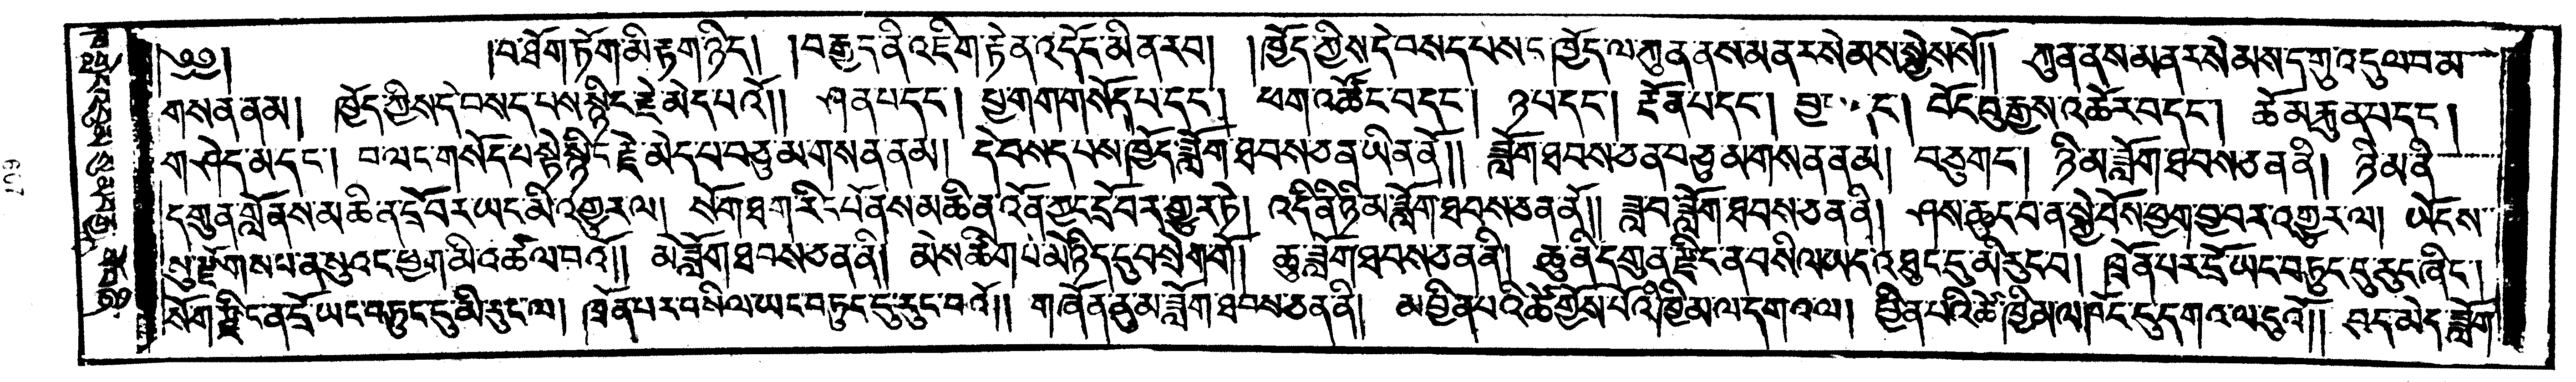༄༅། །བ་ཐོག་ཏོག་མི་རྟག་ཉིད། །བརྒྱད་ནི་འཇིག་རྟེན་འདོང་མིན་རབ། །ཁྱོད་ཀྱིས་དེ་བསད་པས་ང་ཁྱོད་ལ་ཀུན་ནས་མནར་སེམས་སྐྱེས་སོ།། ཀུན་ནས་མནར་སེམས་དགུ་འདུལ་བ་མ་
གསན་ནམ། ཁྱོད་ཀྱིས་དེ་བསད་པས་སྙིང་རྗེ་མེད་པའོ།། ཤན་པ་དང་། བྱ་གག་གསོད་པ་དང་། ཕག་འཚོང་བ་དང་། ཉ་པ་དང་། རྔོན་པ་དང་། བྱ་བ་དང་། བོང་བུ་རྒྱས་འཆོར་བ་དང་། ཆོམ་རྐུན་པ་དང་།
གཤེད་མ་དང་། བ་ལང་གསོད་པ་སྟེ་སྙིང་རྗེ་མེད་པ་བཅུ་མ་གསན་ནམ། དེ་བསད་པས་ཁྱོད་ཟློག་ཐབས་ཅན་ཡིན་ནོ།། ཟློག་ཐབས་ཅན་བཅུ་མ་གསན་ནམ། བཅུ་གང་། ཉི་མ་ཟློག་ཐབས་ཅན་ནི། ཉི་མ་ནི་
དགུན་གློ་ནས་མཆི་ན་དྲོ་བར་ཡང་མི་འགྱུར་ལ། སོག་ཐག་རིང་པོ་ནས་མཆི་ན་འོན་ཀྱང་དྲོ་བར་གྱུར་ཏེ། འདི་ནི་ཉི་མ་ཟློག་ཐབས་ཅན་ནོ།། ཟླ་བ་ཟློག་ཐབས་ཅན་ནི། ཤས་ཆུང་བ་ན་སྐྱེ་བོས་ཕྱག་བྱ་བར་འགྱུར་ལ། ཡོངས་
སུ་རྫོགས་པ་ན་སུའང་ཕྱག་མི་འཚལ་བའོ།། མེ་ཟློག་ཐབས་ཅན་ནི། མེས་ཚིག་པ་མེ་ཉིད་དུ་བསྲེག་གོ། ཆུ་ཟློག་ཐབས་ཅན་ནི། ཆུ་ནི་དགུན་རྫིང་ན་བསིལ་ཡང་འཐུང་དུ་མི་རུང་བ། ཁྲོན་པར་དྲོ་ཡང་བཏུང་དུ་རུང་ཞིང་།
སོག་རྫིང་ན་དྲོ་ཡང་བཏུང་དུ་མི་རུང་ལ། ཁྲོན་པར་བསིལ་ཡང་བཏུང་དུ་རུང་བའོ།། གཞོན་ནུ་མ་ཟློག་ཐབས་ཅན་ནི། མ་བྱིན་པའི་ཚེ་གྱོས་པོའི་ཁྱིམ་ལ་དགའ་ལ། བྱིན་པའི་ཚེ་ཁྱིམ་ལ་ཁོང་དུ་དགའ་ལ་དུའོ།། བུད་མེད་ཟློག་